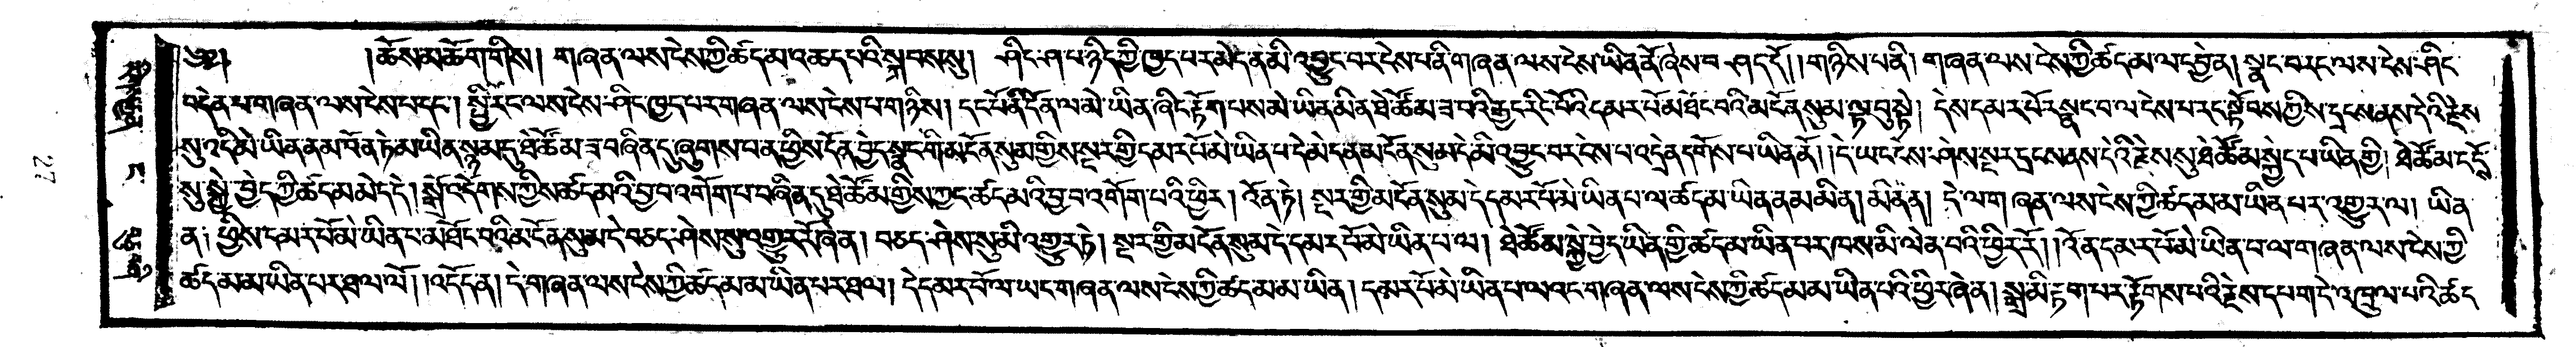༄༅། །ཆོས་མཆོག་གིས། གཞན་ལས་ངེས་ཀྱི་ཚད་མ་འཆད་པའི་སྐབས་སུ། ཤིང་ཤ་པ་ཉིད་ཀྱི་ཁྱད་པར་མེད་ན་མི་འབྱུང་བར་ངེས་པ་ནི་གཞན་ལས་ངེས་ཡིན་ནོ་ཞེས་བཤད་དོ། །གཉིས་པ་ནི། གཞན་ལས་ངེས་ཀྱི་ཚད་མ་ལ་དབྱེ་ན། སྣང་བ་རང་ལས་ངེས་ཤིང་
བདེན་པ་གཞན་ལས་ངེས་པ་དང་། སྤྱི་རང་ལས་ངེས་ཤིང་ཁྱད་པར་གཞན་ལས་ངེས་པ་གཉིས། དང་པོ་ནི་དོན་ལ་མེ་ཡིན་ཞིང་རྟོག་པས་མེ་ཡིན་མིན་ཐེ་ཚོམ་ཟ་བའི་རྒྱང་རིང་པོའི་དམར་པོ་མཐོང་བའི་མངོན་སུམ་ལྟ་བུ་སྟེ། དེས་དམར་པོར་སྣང་བ་ལ་ངེས་པ་རང་སྟོབས་ཀྱིས་དྲངས་ནས་དེའི་རྗེས་
སུ་འདི་མེ་ཡིན་ནམ་འོན་ཏེ་མ་ཡིན་སྙམ་དུ་ཐེ་ཚོམ་ཟ་བཞིན་དུ་ཞུགས་པ་ན་ཕྱིས་དོན་བྱེད་སྣང་གི་མངོན་སུམ་གྱིས་སྔར་གྱི་དམར་པོ་མེ་ཡིན་པ་དེ་མེད་ན་མངོན་སུམ་དེ་མི་འབྱུང་བར་ངེས་པ་འདྲེན་དགོས་པ་ཡིན་ནོ། །དེ་ཡང་ངེས་ཤེས་སྔར་དྲངས་ནས་དེའི་རྗེས་སུ་ཐེ་ཚོམ་སྐྱེད་པ་ཡིན་གྱི། ཐེ་ཚོམ་དངོས་
སུ་སྐྱེ་བྱེད་ཀྱི་ཚད་མ་མེད་དེ། སྒྲོ་འདོགས་ཀྱིས་ཚད་མའི་བྱ་བ་འགོག་པ་བཞིན་དུ་ཐེ་ཚོམ་གྱིས་ཀྱང་ཚད་མའི་བྱ་བ་འགོག་པའི་ཕྱིར། འོན་ཏེ། སྔར་གྱི་མངོན་སུམ་དེ་དམར་པོ་མེ་ཡིན་པ་ལ་ཚད་མ་ཡིན་ནམ་མིན། མིན་ན། དེ་ལ་གཞན་ལས་ངེས་ཀྱི་ཚད་མ་མ་ཡིན་པར་འགྱུར་ལ། ཡིན་
ན༑ ཕྱིས་དམར་པོ་མེ་ཡིན་པ་མཐོང་བའི་མངོན་སུམ་དེ་བཅད་ཤེས་སུ་འགྱུར་རོ་ཞེ་ན། བཅད་ཤེས་སུ་མི་འགྱུར་ཏེ། སྔར་གྱི་མངོན་སུམ་དེ་དམར་པོ་མེ་ཡིན་པ་ལ། ཐེ་ཚོམ་སྐྱེ་བྱེད་ཡིན་གྱི་ཚད་མ་ཡིན་པར་ཁས་མི་ལེན་པའི་ཕྱིར་རོ། །འོ་ན་དམར་པོ་མེ་ཡིན་པ་ལ་གཞན་ལས་ངེས་ཀྱི་
ཚད་མ་མ་ཡིན་པར་ཐལ་ལོ། །འདོད་ན། དེ་གཞན་ལས་ངེས་ཀྱི་ཚད་མ་མ་ཡིན་པར་ཐལ། དེ་དམར་པོ་ལ་ཡང་གཞན་ལས་ངེས་ཀྱི་ཚད་མ་མ་ཡིན། དམར་པོ་མེ་ཡིན་པ་ལའང་གཞན་ལས་ངེས་ཀྱི་ཚད་མ་མ་ཡིན་པའི་ཕྱིར་ཞེ་ན། སྒྲ་མི་རྟག་པར་རྟོགས་པའི་རྗེས་དཔག་དེ་འཁྲུལ་པའི་ཚད་